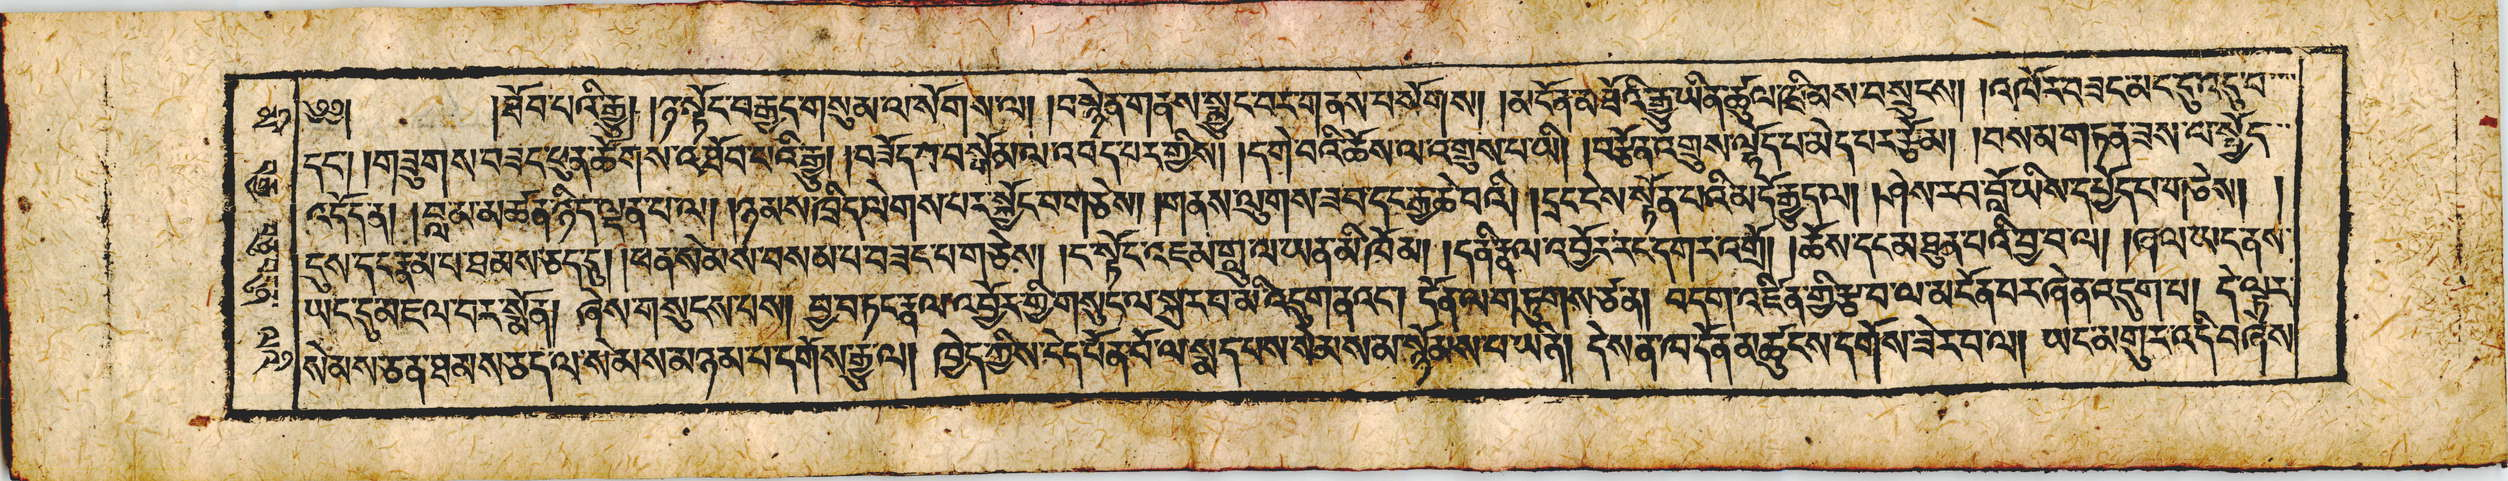ཐོབ་པའི་རྒྱུ། །ཉ་སྟོང་བརྒྱད་གསུམ་ལ་སོགས་ལ། །བསྙེན་གནས་སྨྱུང་བར་གནས་པ་སོགས། །མངོན་མཐོའི་རྒྱུ་ཡིན་ཚུལ་ཁྲིམས་བསྲུངས། །འཁོར་བཟང་མང་དུ་འདུ་བ་
དང་། །གཟུགས་བཟང་ཕུན་ཚོགས་འཐོབ་པའི་རྒྱུ། །བཟོད་པ་བསྒོམ་ལ་འབད་པར་གྱིས། །དགེ་བའི་ཆོས་ལ་འགྲུས་པ་ཡི། །བརྩོན་འགྲུས་ལྷོད་པ་མེད་པར་རྩོམ། །བསམ་གཏན་ཟས་ལ་སྤྱོད་
འདོད་ན། །བླ་མ་མཚན་ཉིད་ལྡན་པ་ལ། །ཉམས་ཁྲིད་ལེགས་པར་སྐྱོང་བ་གཅེས། །གནས་ལུགས་ཟབ་དང་རྒྱ་ཆེ་བའི། །དྲང་ངེས་སྟོན་པའི་མདོ་རྒྱུད་ལ། །ཤེས་རབ་བློ་ཡིས་དཔྱོད་པ་གཅེས། །
དུས་དང་རྣམ་པ་ཐམས་ཅད་དུ། །ཕན་སེམས་བསམ་པ་བཟང་པ་གཅེས། །ང་སྟོང་འཇམ་གླུ་ལ་ཡན་མི་ཁོམ། །ད་ནི་རྣལ་འབྱོར་རང་དགར་འགྲོ། །ཆོས་དང་མཐུན་པའི་བྱ་བ་ལ། །ཞལ་ཡང་ནས་
ཡང་དུ་མཇལ་བར་སྨོན། །ཞེས་གསུངས་པས། བྱ་བཏང་རྣལ་འབྱོར་གྱི་གསུང་ལ་སྐུར་བ་མི་འདུག་ནའང། དོན་ལ་གཏུགས་ཙ་ན། བདག་འཛིན་གྱི་རྩ་བ་ལ་མངོན་པར་ཞེན་འདུག་པ། དེ་ལྟར་
སེམས་ཅན་ཐམས་ཅད་ལ་སེམས་མཉམ་པ་དགོས་རྒྱུ་ལ། ཁྱེད་ཀྱིས་ངེད་བོན་པོ་ལ་སྨད་པས་སེམས་མ་སྙོམས་པ་ཡིན། དེས་ན་ཁ་དོན་མཚུངས་དགོས་ཟེར་བ་ལ། ཡང་མགུར་འདི་བཞེས་